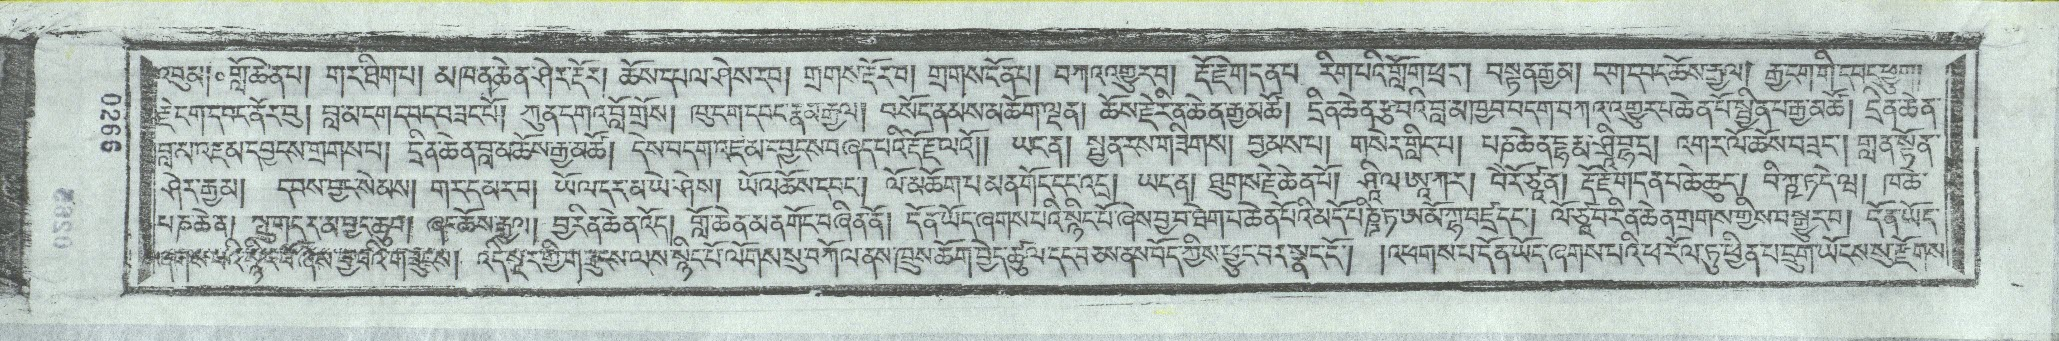འབུམ། གློ་ཆེན་པ། གར་ཐིག་པ། མཁན་ཆེན་ཤེར་རྡོར། ཆོས་དཔལ་ཤེས་རབ། གྲགས་རྡོར་བ། གྲགས་ངོན་པ། བཀའ་འགྱུར་བ། རྡོ་རྗེ་གདན་པ། རིག་པའི་གློག་ཕྲད། བསྟན་རྒྱམ། ངག་དབང་ཆོས་རྒྱལ། རྒྱ་ངག་གི་དབང་ཕྱུག།
རྗེ་ངག་དབང་ནོར་བུ། བླ་མ་ངག་དབང་བཟང་པོ། ཀུན་དགའ་བློ་གྲོས། ཁུ་ངག་དབང་རྣམ་རྒྱལ། བསོད་ནམས་མཆོག་ལྡན། ཆོས་རྗེ་རིན་ཆེན་རྒྱ་མཚོ། དྲིན་ཆེན་རྩ་བའི་བླ་མ་ཁྱབ་བདག་བཀའ་འགྱུར་པ་ཆེན་པོ་སྦྱིན་པ་རྒྱ་མཚོ། དྲིན་ཆེན་
བླ་མ་འཇམ་དབྱངས་གྲགས་པ། དྲིན་ཆེན་བླ་མ་ཆོས་རྒྱ་མཚོ། དེས་བདག་འཇམ་དབྱངས་བཞད་པའི་རྡོ་རྗེ་ལའོ།། ཡང་ན། སྤྱན་རས་གཟིགས། བྱམས་པ། གསེར་གླིང་པ། པཎ་ཆེན་དྷརྨ་ཤྲཱི་བྷ་དྲ། འགར་ལོ་ཆོས་བཟང་། གླ་ན་སྟོན་
ཤེར་རྒྱ་མ། དབས་བྱང་སེམས། གར་དམར་བ། ཡོལ་དར་མ་ཡེ་ཤེས། ཡོལ་ཆོས་དབང་། ལོ་མཆོག་པ་མན་གོང་དང་འདྲ། ཡང་ན། ཐུགས་རྗེ་ཆེན་པོ། ཤཱི་ལ་ཨཱ་ཀར། བཻ་རོ་ཙཱ་ན། རྡོ་རྗེ་གདན་པ་ཆེ་ཆུད། བི་ཀྵ་ཏ་དེ་ཝ། ཁ་ཆེ་
པཎ་ཆེན། སྤུག་དར་མ་བྱང་ཆུབ། ཞང་ཆོས་རྒྱལ། བྱ་རིན་ཆེན་འོད། གློ་ཆེན་མན་གོང་བཞིན་ནོ། དོན་ཡོད་ཞགས་པའི་སྙིང་པོ་ཞེས་བྱ་བ་ཐེག་པ་ཆེན་པོའི་མདོ་པཎྜི་ཏ་ཨ་མོ་ཁ་བརྫྲ་དང་། ལོ་ཙཱ་བ་རིན་ཆེན་གྲགས་གྱིས་མདོ་རབ། དོན་ཡོད་
ཞགས་པའི་སྙིང་བོ་ཞེས་བྱ་བའི་གཟུངས། འདི་སྔར་གྱི་གཟུངས་ལས་སྙིང་པོ་ལོགས་སུ་བཀོལ་ནས་ཁྲུས་ཆོག་བྱེད་ཚུལ་དང་བཅས་ནས་བོད་ཀྱིས་ཕྱུང་བར་སྣང་ངོ། །འཕགས་པ་དོན་ཡོད་ཞགས་པའི་ཕ་རོལ་ཏུ་ཕྱིན་པ་དྲུག་ཡོངས་སུ་རྫོགས་